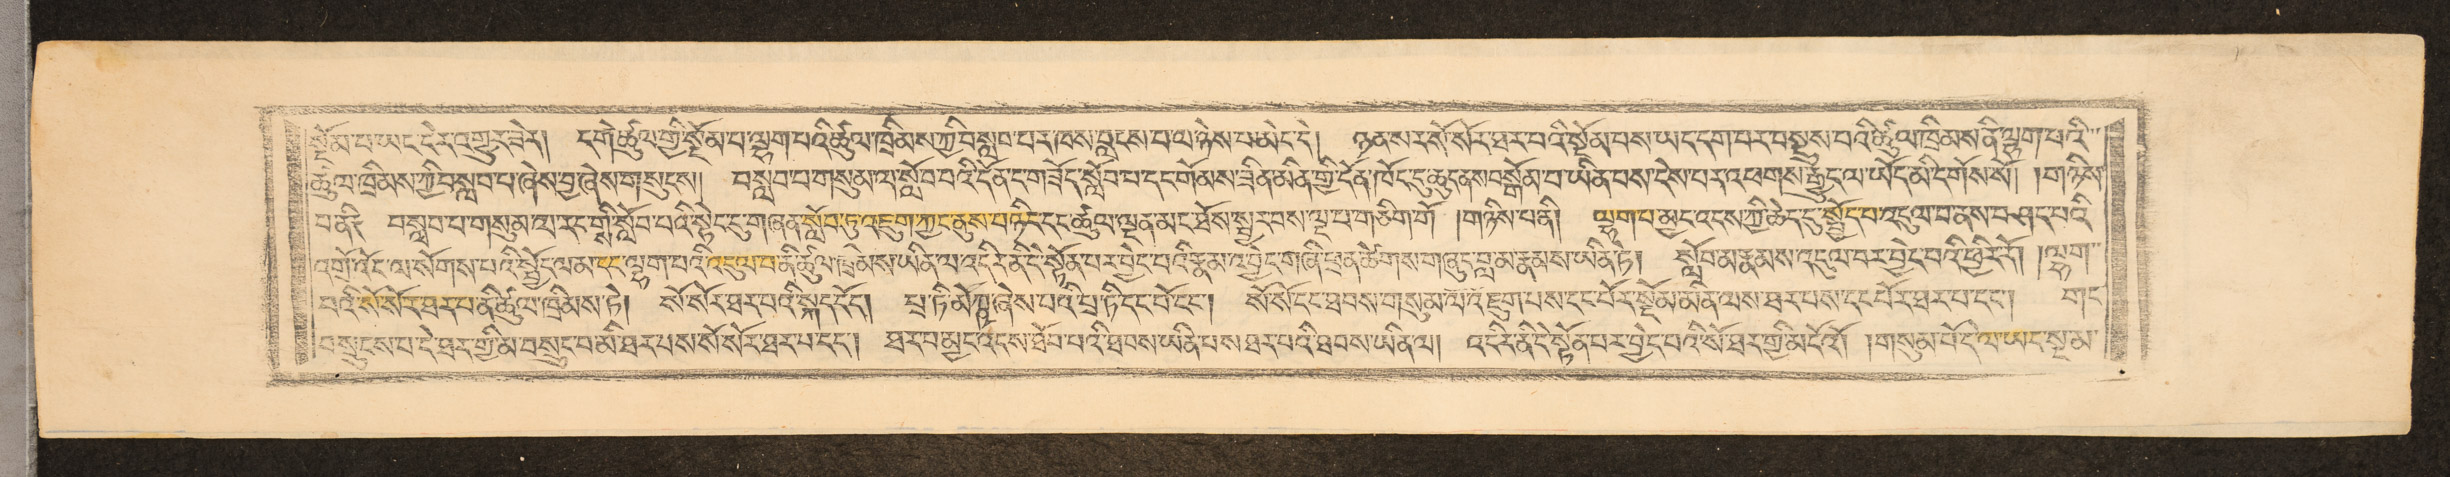སྡོམ་པ་ཡང་དེར་འགྱུར་ཟེར། དགེ་ཚུལ་གྱི་སྡོམ་པ་ལྷག་པའི་ཚུལ་ཁྲིམས་ཀྱི་བསླབ་པར་ཁས་བླངས་པ་ལ་ཉེས་པ་མེད་དེ། ཉན་སར་སོ་སོར་ཐར་པའི་སྡོམ་པས་ཡང་དག་པར་བསྡུས་པའི་ཚུལ་ཁྲིམས་ནི་ལྷག་པའི་
ཚུལ་ཁྲིམས་ཀྱི་བསླབ་པ་ཞེས་བྱ་ཞེས་གསུངས། བསླབ་པ་གསུམ་ལ་སློབ་པའི་དོན་ད་གཟོད་སློབ་པ་དང་གོམས་ཟིན་མིན་གྱི་དོན་ཁོང་དུ་ཆུད་ནས་བསྒོམ་པ་ཡིན་པས་ངེས་པར་འཕགས་རྒྱུད་ལ་ཡོད་མི་དགོས་སོ། །གཉིས་
པ་ནི༑ བསླབ་པ་གསུམ་ལ་རང་གིས་སློབ་པའི་སྟེང་དུ་གཞན་སློབ་ཏུ་འཇུག་ཀྱང་ནུས་པ་ཉིད་དང་ཚུལ་ལྡན་མང་ཐོས་སྦྱར་བས་ལྔ་པ་གཅིག་གོ །གཉིས་པ་ནི། ལྷག་པ་མྱང་འདས་ཀྱི་ཆེད་དུ་སྤྱོད་པ་འདུལ་བ་ནས་བཤད་པའི་
འགྲོ་འོང་ལ་སོགས་པའི་སྤྱོད་ལམ་དང་ལྷག་པའི་འདུལ་བ་ནི་ཚུལ་ཁྲིམས་ཡིན་ལ་འདིར་ནི་དེ་སྟོན་པར་བྱེད་པའི་རྣམ་འབྱེད་གཞི་ཕྲན་ཚེགས་གཞུང་བླ་མ་རྣམས་ཡིན་ཏེ། སློབ་མ་རྣམས་འདུལ་བར་བྱེད་པའི་ཕྱིར་རོ། །ལྷག་
པའི་སོ་སོར་ཐར་པ་ནི་ཚུལ་ཁྲིམས་ཏེ། སོ་སོར་ཐར་པའི་སྐད་དོད། པྲ་ཏི་མོཀྵ་ཞེས་པའི་པྲ་ཏི་དང་པོ་དང་། སོ་སོ་དང་ཐབས་གསུམ་ལ་འཇུག་པས་དང་པོར་སྡོམ་མིན་ལས་ཐར་པས་དང་པོར་ཐར་པ་དང་། གང་
བསྲུངས་པ་དེ་ཐར་གྱི་མ་བསྲུང་པ་མི་ཐར་པས་སོ་སོར་ཐར་པ་དང་། ཐར་པ་མྱང་འདས་ཐོབ་པའི་ཐབས་ཡིན་པས་ཐར་པའི་ཐབས་ཡིན་ལ། འདིར་ནི་དེ་སྟོན་པར་བྱེད་པའི་སོ་ཐར་གྱི་མདོའོ། །གསུམ་པོ་དེ་ལ་ཡང་སྔ་མ་